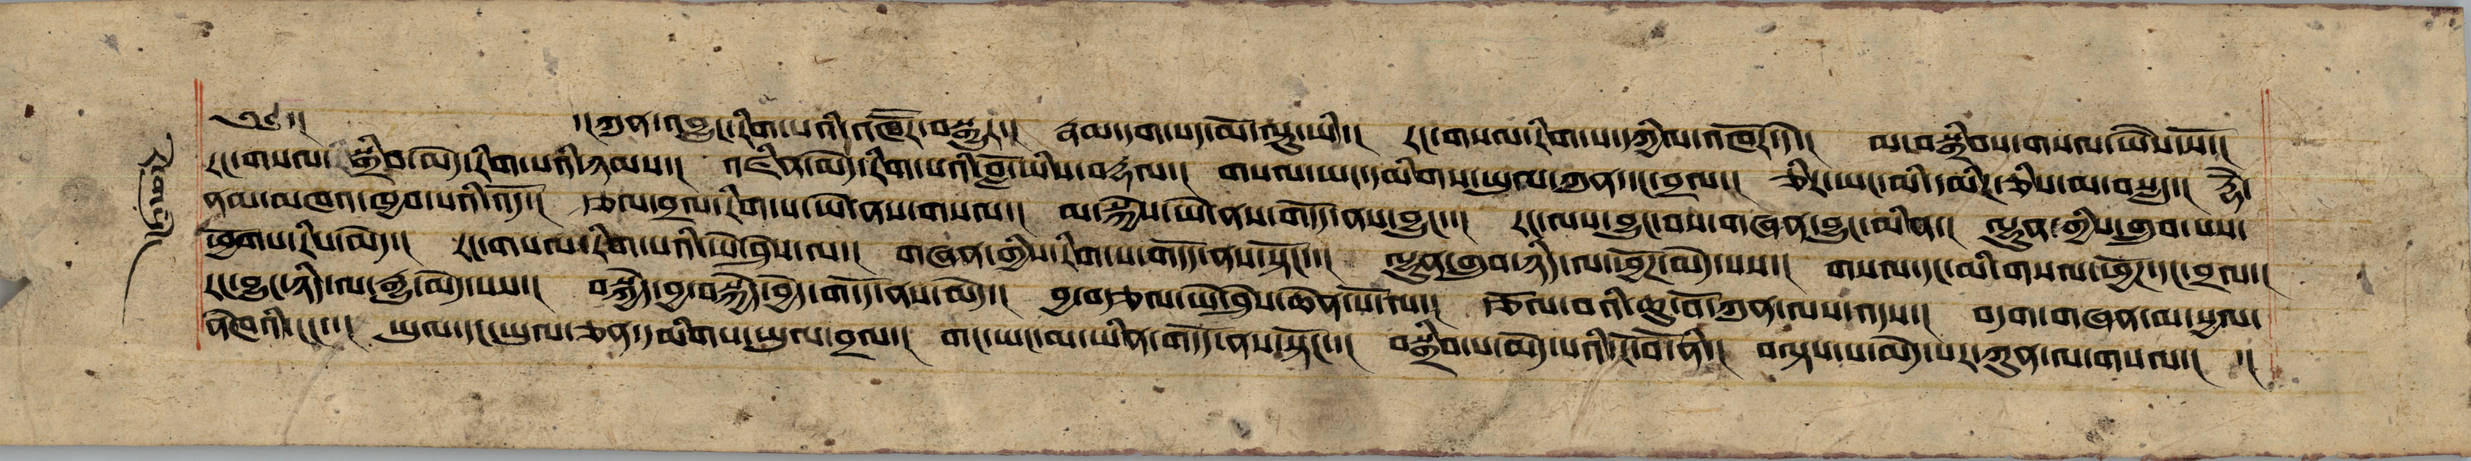༄༅་། ་།ཀུན་འབྱུང་རིག་པའི་འཁཽར་བསྒྱུར་། རྣམ་དག་པད་མོ་ལྟུ་ཡི་། རང་གསལ་རིག་པ་དཀྱིལ་འཁོར་དེ་། མ་བསྒྲིབས་གསལ་ཡཻས་སོང།
རང་གསལ་སྒྲིབ་མེད་རིག་པའི་ཉམས་། འཛིན་མེད་རིག་པའི་བློ་ཡིས་བརྡལ་། གསལ་ཡང་དམིགས་ཡུལ་ཀུན་དང་བྲལ་། ཅིར་ཡང་མི་དམིགས་ཅིས་མ་བསླད་། རྡོེ་
ནམ་མཁའ་ཁྱབ་པའི་འོད་། རྩལ་བྲལ་རིག་པ་ཡེ་ནས་གསལ་། མ་སྐྱེས་ཡེ་ནས་གདོད་ནས་བྱུང་་། རང་ལས་བྱུང་བས་གཞན་བྱུང་མིན་། ལྷུན་གྱིས་གྲུབ་པས་
ཕྱོགས་རིས་མེད་། རང་གསལ་རིག་པའི་ཡེ་ཤེས་ལ་། གཞན་གྱིས་རིག་པ་གདོད་ནས་སྟོང་་། ལྷུན་གྲུབ་ཉིད་ལ་ཕྱོཌ་མེད་པས་། གསལ་དང་མི་གསལ་ཕྱོཌ་དང་བྲལ་།
རང་བྱུང་ཉིད་ལ་རྒྱུ་མེད་པས་། བསྐྱེད་བྱ་བསྐྱེད་བྱེད་གདོད་ནས་མེད་། བྱ་བརྩལ་ཡེ་ཤེས་ཆེན་པོ་ལ་། རྩོལ་བའི་ཆུ་བོ་ཀུན་ལས་འདས་། བདག་གཞན་མ་སྱལ་
ནཾཁའི་ངང་་། ཡུལ་དང་ཡུལ་ཅན་དམིགས་ཡུལ་བྲལ་། གང་ཡང་མ་ཡིན་གདོད་ནས་སྟོང་་། བསྒྲིབ་པ་མེད་པའི་ངོ་བོ་ནི་། བལྟས་པ་མེད་པར་ཀུན་ལ་གསལ་།